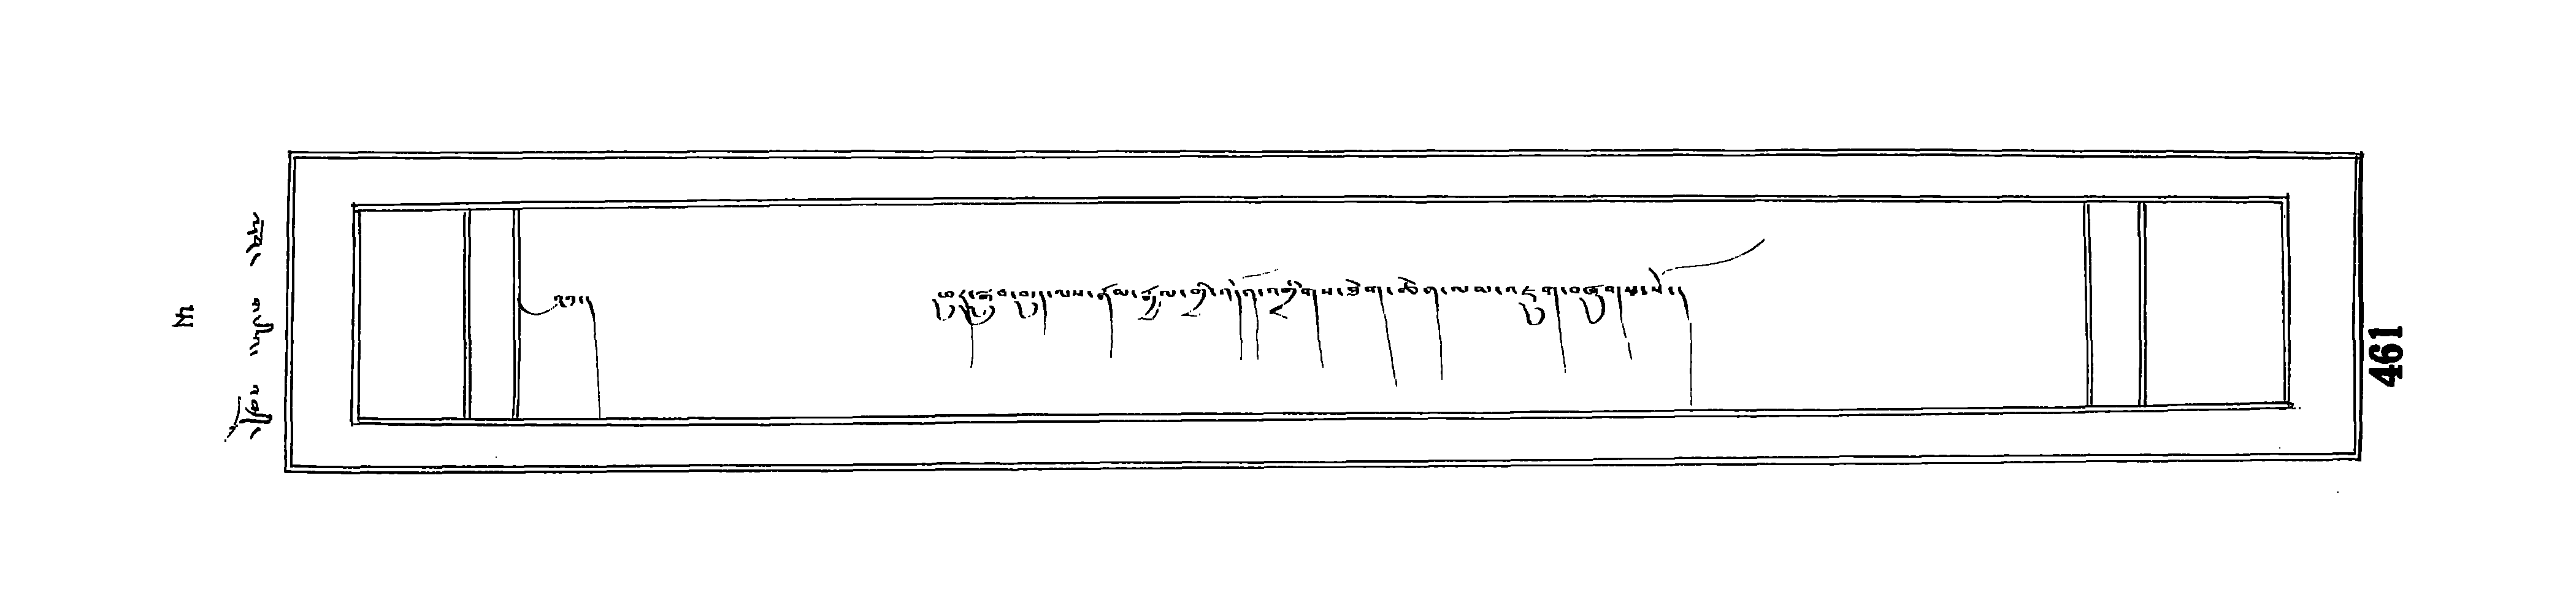༄༅། ཕུར་སྒྲུབ་བདུད་ལས་རྣམ་རྒྱལ་གྱི་འདོན་འགྲིགས་ཐེག་ཆེན་ལམ་འཇུག་བཞུགས་སོ།